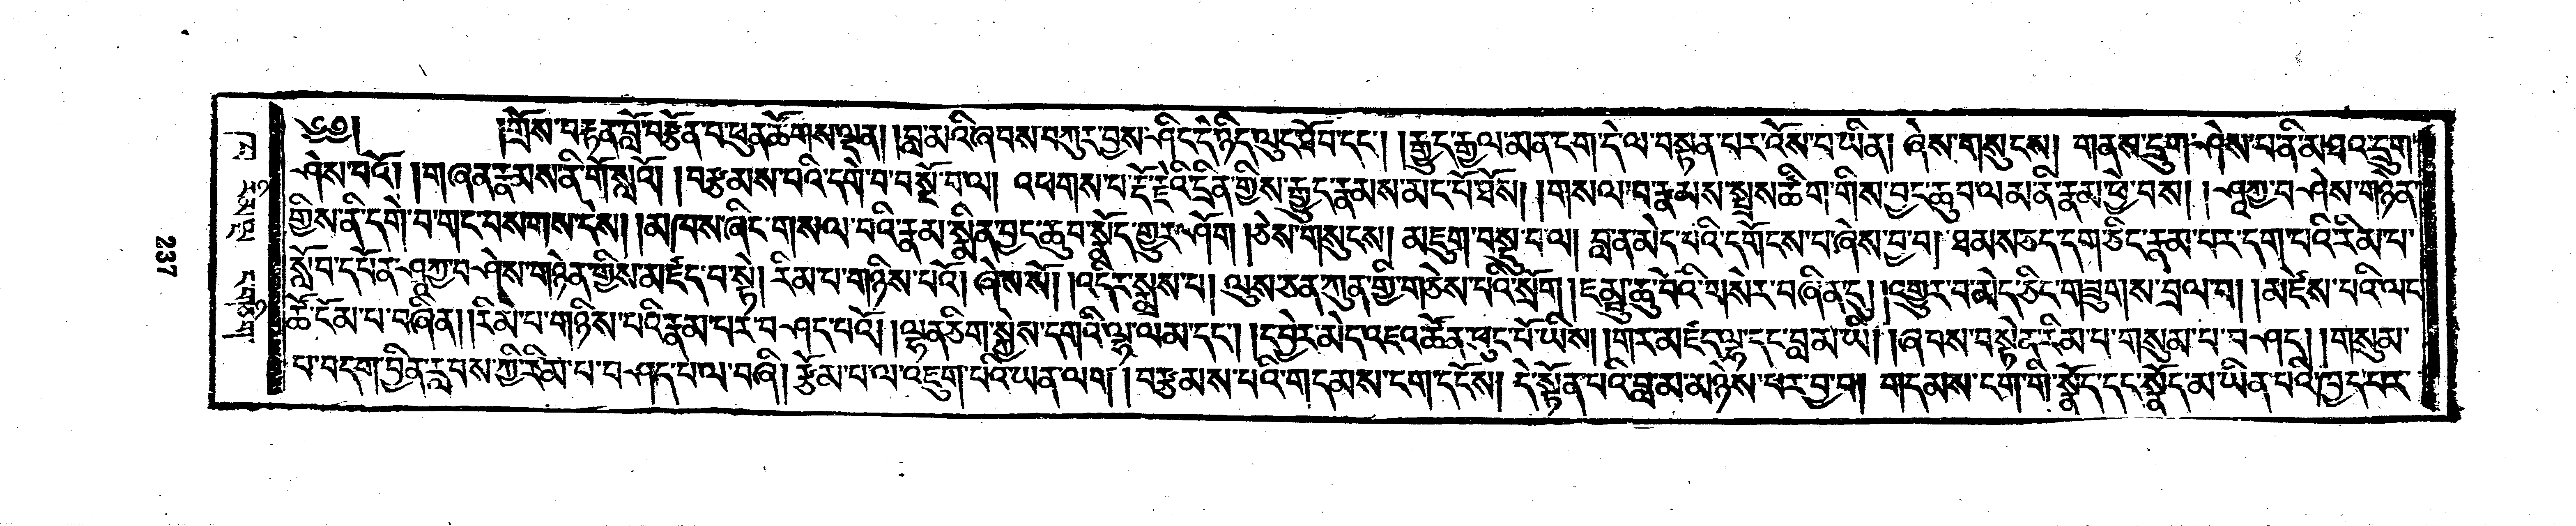༄༅། །གྲོས་བརྟན་བློ་བརྩོན་པ་ཕུན་ཚོགས་ལྡན། །བླ་མའི་ཞབས་བཀུར་བྱས་ཤིང་དེ་ཉིད་ལུང་ཐོབ་དང་། །རྒྱུད་རྒྱལ་མན་ངག་དེ་ལ་བསྟན་པར་འོས་པ་ཡིན། ཞེས་གསུངས། གནས་དྲུག་ཤེས་པ་ནི་མཐའ་དྲུག་
ཤེས་པའོ། །གཞན་རྣམས་ནི་གོ་སླའོ། །བརྩམས་པའི་དགེ་བ་བསྔོ་བ་ལ། འཕགས་པ་རྡོ་རྗེའི་དྲིན་གྱིས་རྒྱུད་རྣམས་མང་པོ་ཐོས། །གསལ་བ་རྣམས་སྤྲས་ཚིག་གིས་བྱང་ཆུབ་ལམ་ནི་རྣམ་ཕྱེ་བས། །ཤཱཀྱ་བཤེས་གཉེན་
གྱིས་ནི་དགེ་བ་གང་བསགས་དེས། །མཁས་ཞིང་གསལ་བའི་རྣམ་སྨིན་བྱང་ཆུབ་སྣོད་གྱུར་ཤོག །ཅེས་གསུངས། མཇུག་བསྡུ་བ་ལ། བླ་ན་མེད་པའི་དགོངས་པ་ཞེས་བྱ་བ། ཐམས་ཅད་དག་ཅིང་རྣམ་པར་དག་པའི་རིམ་པ་
སློབ་དཔོན་ཤཱཀྱ་བཤེས་གཉེན་གྱིས་མཛད་པ་སྟེ། རིམ་པ་གཉིས་པའོ། ཞེས་སོ། །འདིར་སྨྲས་པ། ལུས་ཅན་ཀུན་གྱི་གཅེས་པའི་སྲོག །ཛམྦུ་ཆུ་བོའི་གསེར་བཞིན་དུ། །འགྱུར་བ་མེད་ཅིང་གཟུགས་བྲལ་བ། །མཛེས་པའི་ལང་
ཚོ་ངོམ་པ་བཞིན། །རིམ་པ་གཉིས་པའི་རྣམ་པར་བཤད་པའོ། །ལྷན་ཅིག་སྐྱེས་དགའི་ལྷ་ལམ་དང་། །དབྱེར་མེད་འཇའ་ཚོན་ཕུང་པོ་ཡིས། །གར་མཛད་ལྷ་དང་བླ་མ་ཡི། །ཞབས་བསྟེན་རིམ་པ་གསུམ་པ་བཤད། །གསུམ་
པ་བདག་བྱིན་རླབས་ཀྱི་རིམ་པ་བཤད་པ་ལ་བཞི། རྩོམ་པ་ལ་འཇུག་པའི་ཡན་ལག །བརྩམས་པའི་གདམས་ངག་དངོས། དེ་སྟོན་པའི་བླ་མ་མཉེས་པར་བྱ་བ། གདམས་ངག་གི་སྣོད་དང་སྣོད་མ་ཡིན་པའི་ཁྱད་པར་